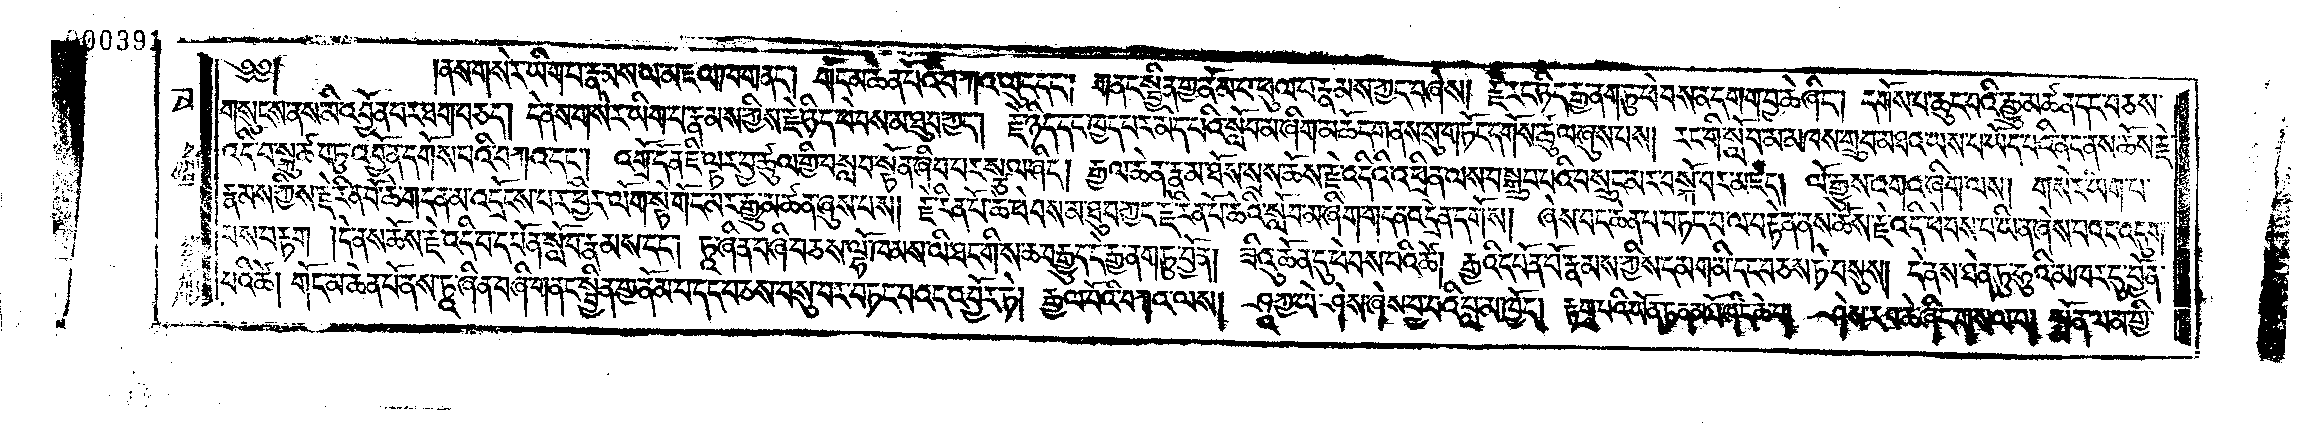༄༅། །ནས་གསེར་ཡིག་པ་རྣམས་ལ་མཇལ་ཁ་གནང་། གོང་མ་ཆེན་པོའི་བཀའ་ལུང་དང་། གནང་སྦྱིན་གྱ་ནོམ་བ་ཕུལ་བ་རྣམས་ཀྱང་བཞེས། རྗེ་རང་ཉིད་རྒྱ་ནག་ཏུ་ཕེབས་ན་དགག་བྱ་ཆེ་ཞིང་། དགོས་པ་ཆུང་བའི་རྒྱུ་མཚན་དང་བཅས་
གསུངས་ནས་མི་འབྱོན་པར་ཐག་བཅད། དེ་ནས་གསེར་ཡིག་པ་རྣམས་ཀྱིས་རྗེ་ཉིད་ཕེབས་མ་ཐུབ་ཀྱང་། རྗེ་ཉིད་དང་ཁྱད་པར་མེད་པའི་སློབ་མ་ཞིག་མཆོད་གནས་སུ་གཏོང་དགོས་ཚུལ་ཞུས་པས། རང་གི་སློབ་མ་མཁས་གྲུབ་མཐའ་ཡས་པ་ཡོད་པའི་ནང་ནས་ཆོས་རྗེ་
འདི་བ་སྐུ་ཚབ་ཏུ་འབྱོན་དགོས་པའི་བཀའ་དང་། འགྲོ་དོན་ཇི་ལྟར་བྱ་ཚུལ་གྱི་བསླབ་སྟོན་ཞིབ་པར་སྩལ་ཞིང་། རྒྱལ་ཆེན་རྣམ་ཐོས་སྲས་ཆོས་རྗེ་འདིའི་འཕྲིན་ལས་བསྒྲུབ་པའི་བསྲུང་མར་བསྐོ་བར་མཛད། ལོ་རྒྱུས་འགའ་ཞིག་ལས། གསེར་ཡིག་པ་
རྣམས་ཀྱིས་རྗེ་རིན་པོ་ཆེ་གདན་མ་འདྲོངས་པར་ཕྱིར་ལོག་སྟེ་གོང་མར་རྒྱུ་མཚན་ཞུས་པས། རྗེ་རིན་པོ་ཆེ་ཕེབས་མ་ཐུབ་ཀྱང་རྗེ་རིན་པོ་ཆེའི་སློབ་མ་ཞིག་གདན་འདྲེན་དགོས། ཞེས་བད་ཆེན་པ་བཏང་བ་ལ་བརྟེན་ནས་ཆོས་རྗེ་འདི་ཕེབས་པ་ཡིན་ཞེས་བའང་འདུག་
པས་བརྟག །དེ་ནས་ཆོས་རྗེ་འདི་བ་དཔོན་སློབ་རྣམས་དང་། ཏཱ་ཞིན་བཞི་བཅས་ལྷོ་ཁམས་ལི་ཐང་གི་ས་ཆ་བརྒྱུད་དེ་རྒྱ་ནག་ཏུ་བྱོན། ཟིའུ་ཆོན་དུ་ཕེབས་པའི་ཚེ། རྒྱའི་དཔོན་བོ་རྣམས་ཀྱིས་དམག་མི་དང་བཅས་ཏེ་བསུས། དེ་ནས་ཐེན་ཏུ་ཧུའི་མཁར་དུ་བྱོན་
པའི་ཚེ། གོང་མ་ཆེན་པོ་ནས་ཏཱ་ཞིན་བཞི་གནང་སྦྱིན་གྱ་ནོམ་པ་དང་བཅས་བསུ་བར་བཏང་བའད་འབྱོར་ཏེ། རྒྱལ་པོའི་བཀའ་ལས། ཤཱཀྱ་ཡེ་ཤེས་ཞེས་བྱ་བའི་བླ་མ་ཁྱོད། རྟོགས་པའི་ཡོན་ཏན་མཐོ་ཞིང་ཆེ་བ། ཤེས་རབ་ཆེ་ཞིང་གསལ་བ། སྨོན་ལམ་གྱི་